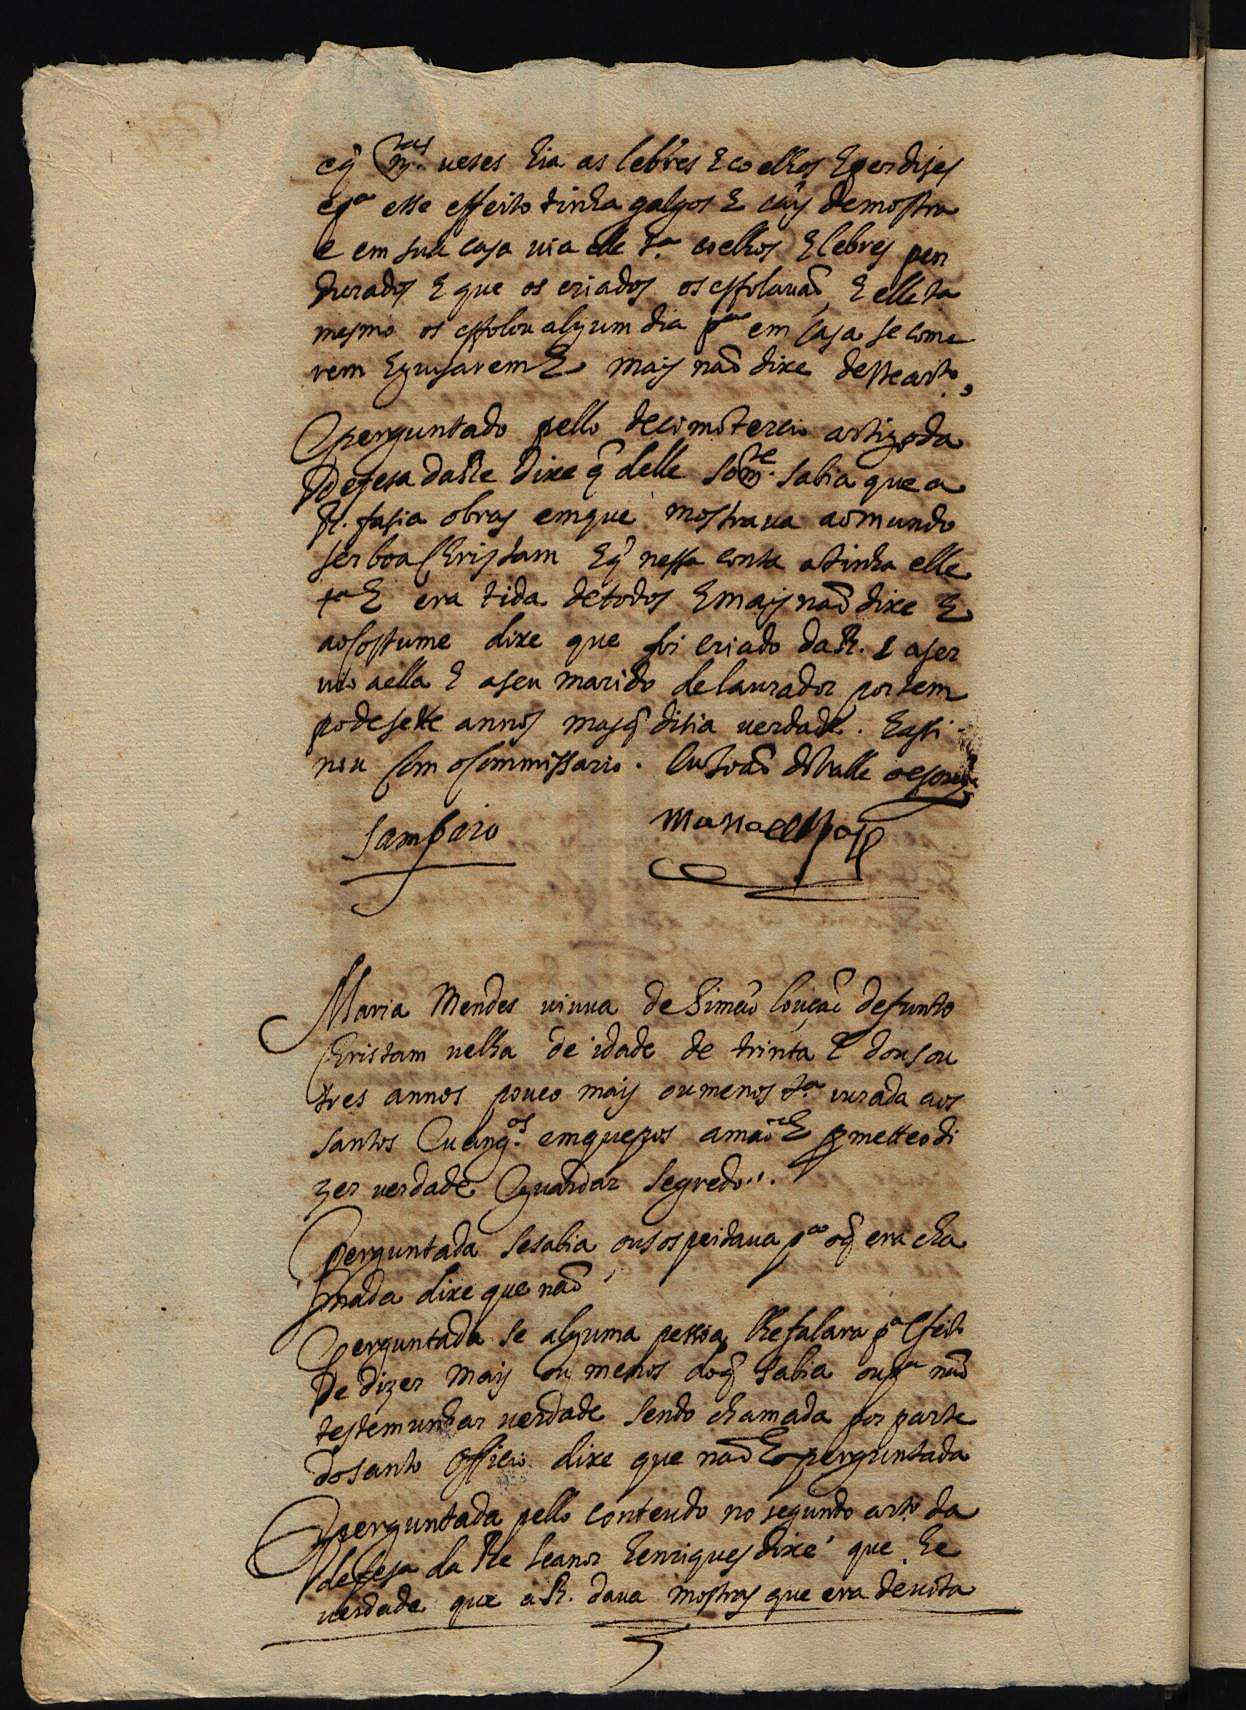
e q̄ mtas ueses hia as lebres E coelhos E per diser
e pa esse effeito tinha galgos E caīs de mostra
e em sua casa uia elle t.a coelhos, E lebres pen
durados E que os criados os esfolauaõ, E elle ta
mesmo os esfolou algum dia pa em casa se come
rem E guisarem E mais naõ dixe deste arto.
E perguntado pello de como tercio artigo da
Defesa da Re dixe q̄ delle som.te sabia que a
R. fasia obras em que mostraua ao mundo
ser boa Christam, E q̄ nessa conta a tinha elle
ta E era tida de todos E mais naõ dixe E
ao Costume dixe que foi criado da R. E a ser
uio a ella E a seu marido de laurador por tem
po de sette annos mas q̄ disia uerdade. E assi
nou Com o Commissario. Eu Ioão do Valle o escreuy
manoel lpes
sampaio
Maria Mendes uiuua de Simaõ louçaõ defunto
Christam uelha de idade de trinta E dous ou
tres annos pouco mais ou menos t.a iurada aos
santos Euang.os em que pos a maõ E ꝓmetteo di
zer uerdade E guardar segredo.
perguntada se sabia ou sospeitaua pa o q̄ era cha
mada dixe que naõ.
E perguntada se alguma pessoa lhe falara pa efeito
de dizer mais ou menos ao q̄ sabia ou pa naõ
testemunhar uerdade sendo chamada por parte
do santo Officio dixe que naõ he perguntada
E perguntada pello conteudo no segundo arto da
defesa da Re leanor henriques dixe que he
uerdade que a R. daua mostras que era deuota
